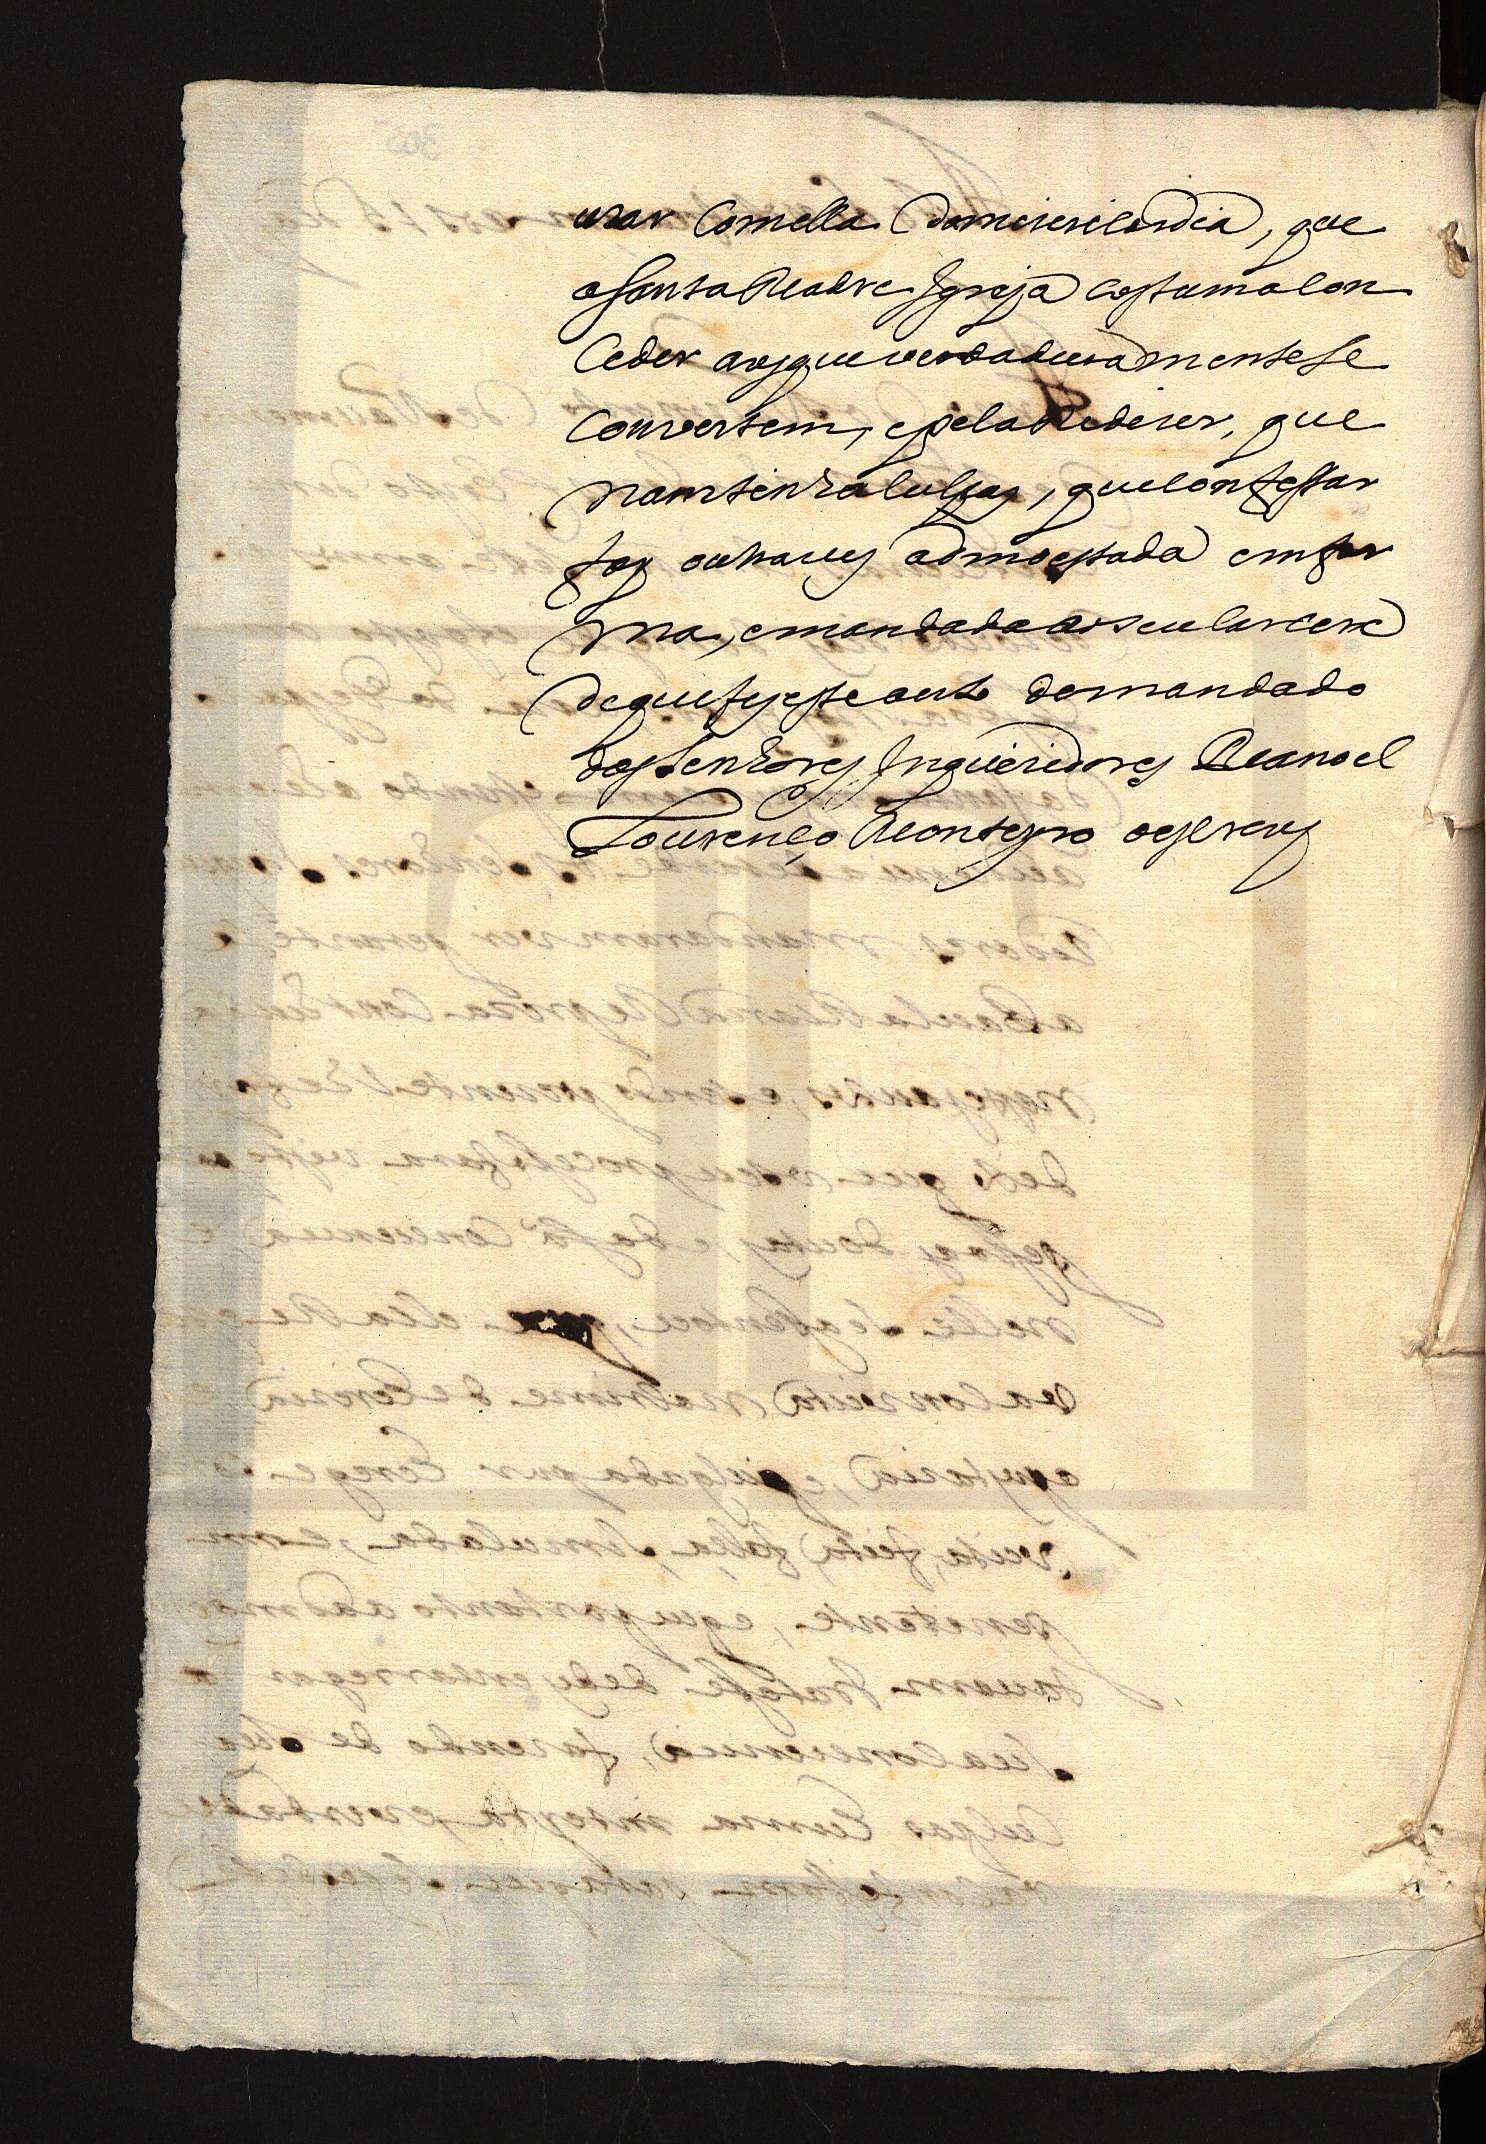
uzar com ella da mizericordia, que
a santa Madre Jgreja costuma con
Ceder aos que verdadeiramente se
convertem, e pela Re dizer, que
nam tinha culpas, que confessar
foy outra ues admoestada em for
ma, e mandada ao seu carcere
de que fisesse auto de mandado
dos senhores Jnquizidores Manoel
Lourenço Monteyro o escreuj
